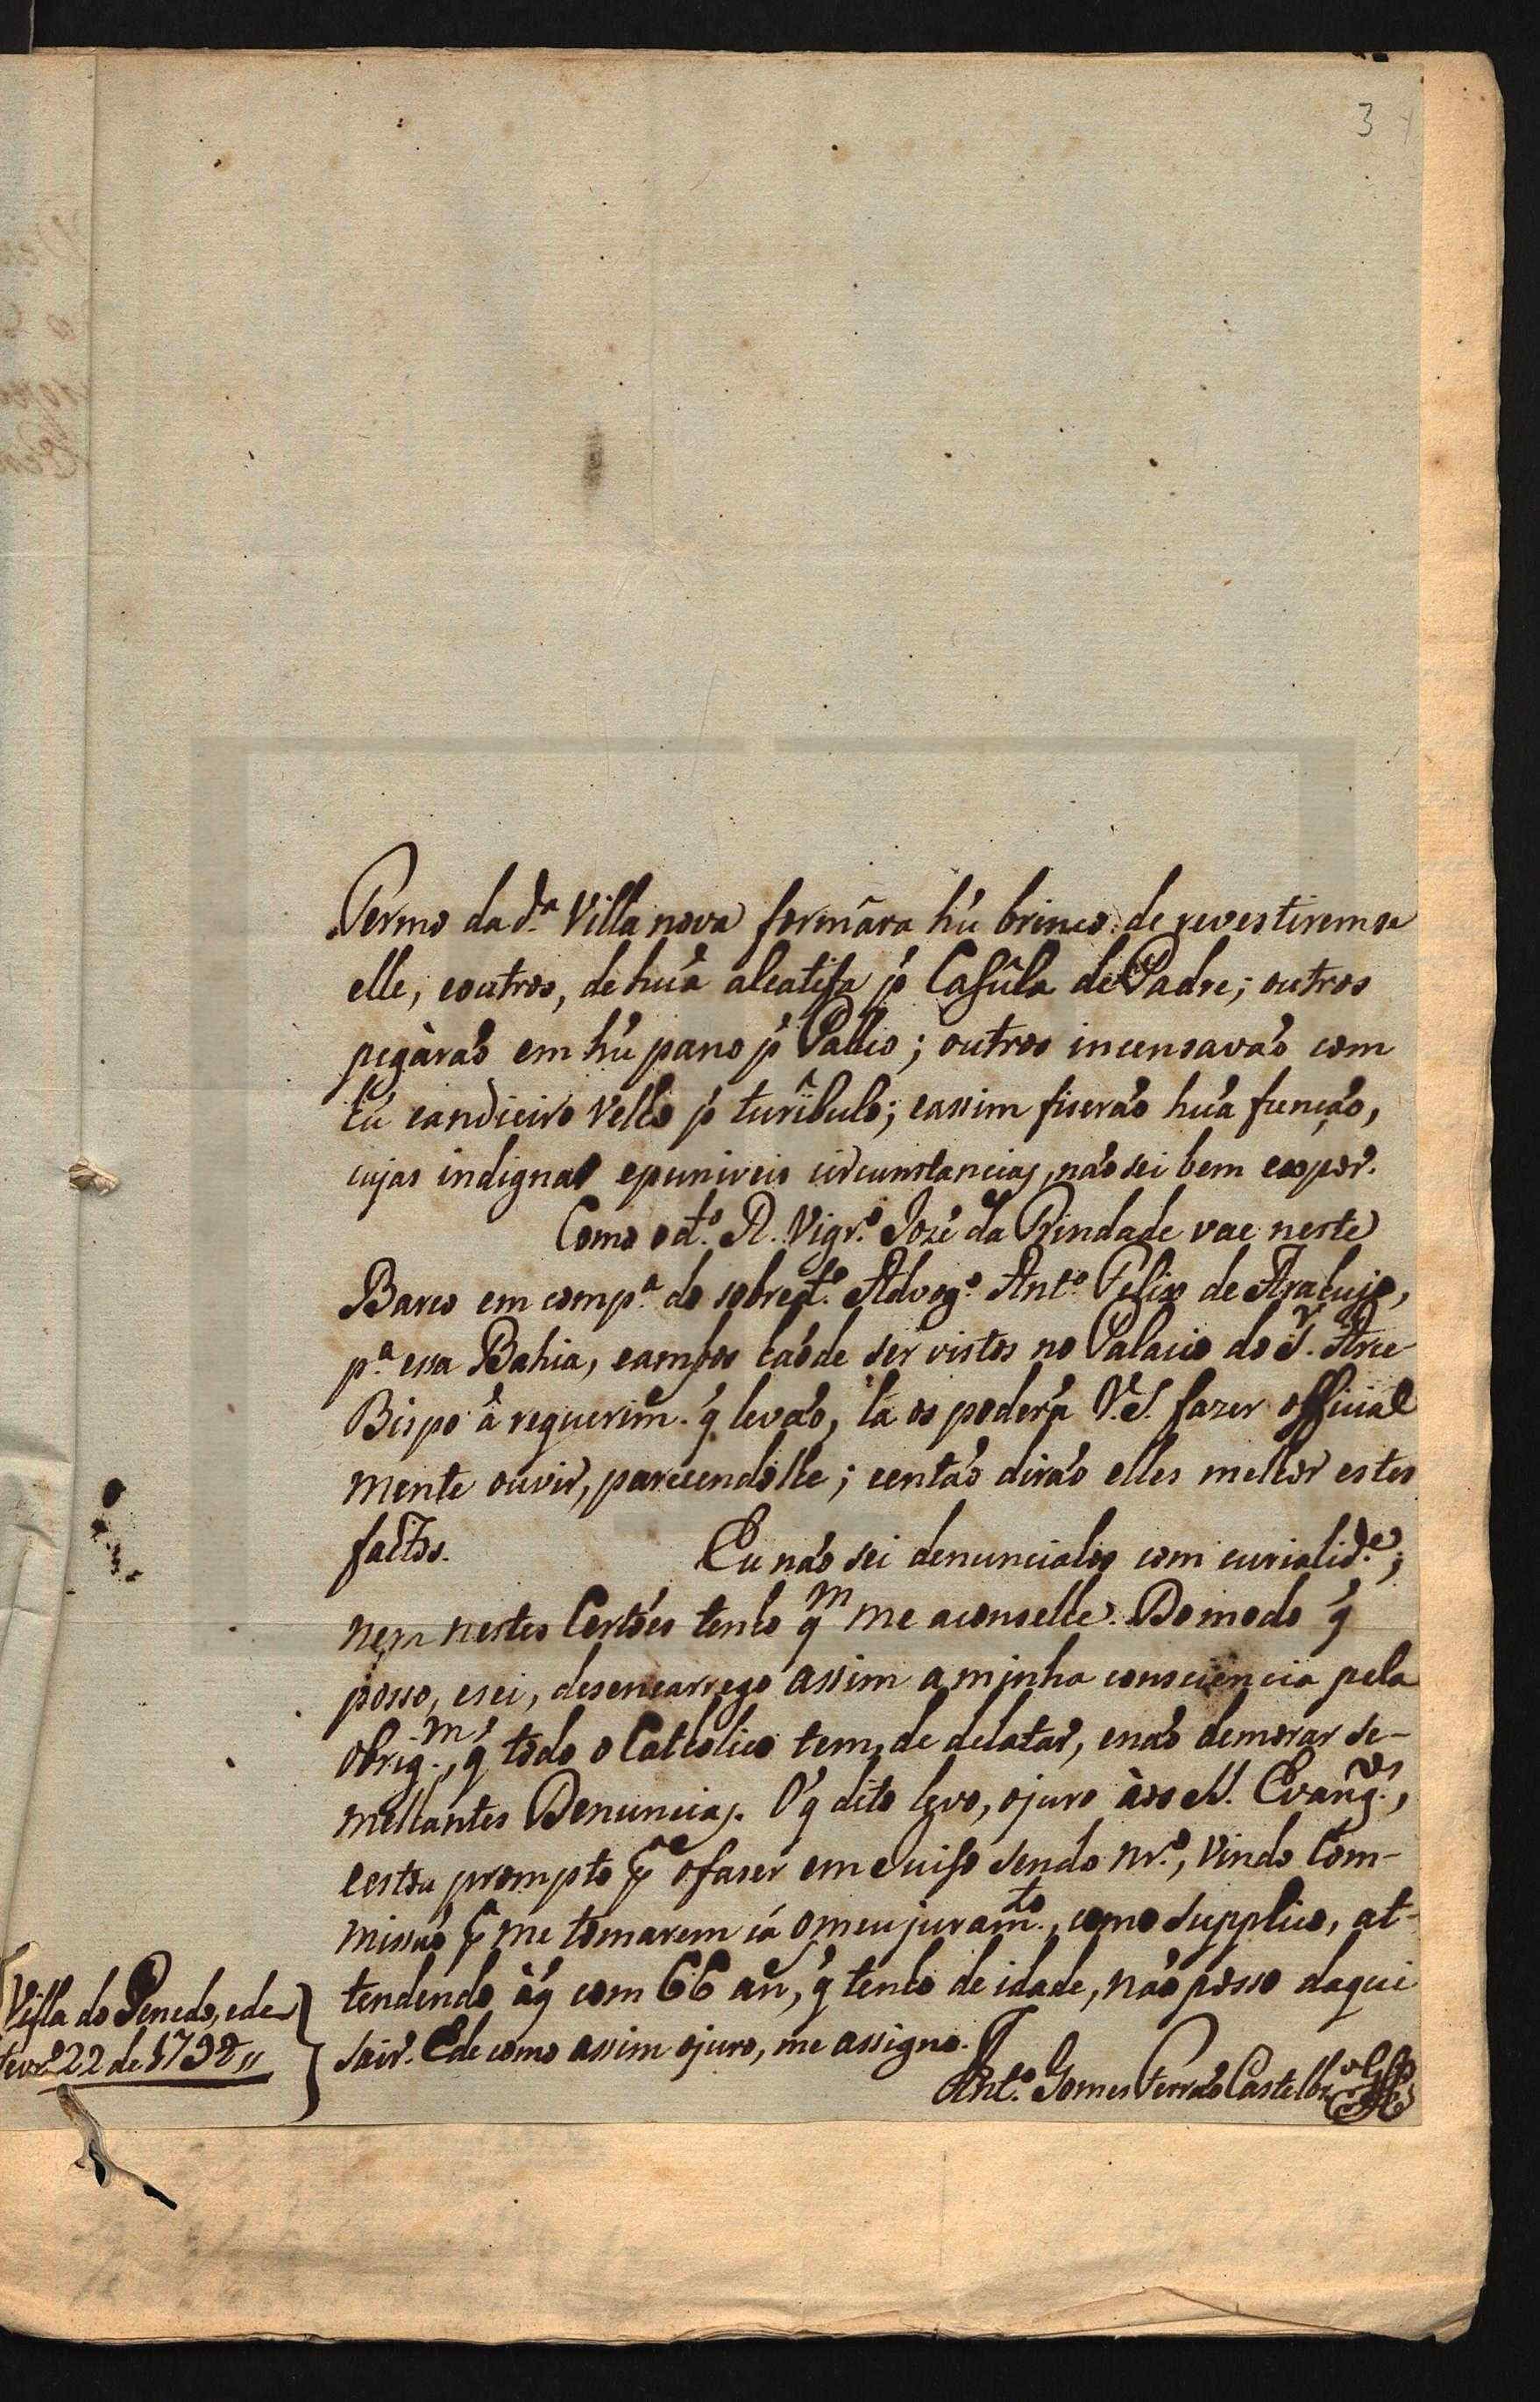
Termo da d.a Villa nova formára hū brinco de revestiremse
elle, e outros, de huā alcatifa p̄ Casûla de Padre; outros
pegàraõ em hū pano p̄ Pallio; outros incensavaõ com
hū candieiro velho p̄ turibulo; e assim fiseraõ huā funçaõ,
cujas indignas, e puniveis circunstancias, naõ sei bem expor.
Como o d̄.o R. Vigr.o Iozé da Trindade vae neste
Barco em comp.a do sobred̄.o Advog.o Ant.o Felix de Arahujo,
p.a essa Bahia, e ambos haõ de ser vistos no Palacio do S.r Arce
Bispo á requerim. q̄ levão, lá os poderá V.S. fazer official
mente ouvir, parecendolhe; e entaõ diraõ elles melhor estes
factos.
Eu naõ sei denuncialos com curialid.e;
nem nestes Certões tenho qm me aconselhe. Do modo q̄
posso, e sei, desencarrego assim a minha consciencia pela
obrig.m, q̄ todo o Catholico tem, de delatar, e naõ demorar se
melhantes Denuncias. O q̄ dito levo, o juro áos SS. Evang.os,
e estou prompto pa o fazer em Iuiso, sendo nr.o, vindo Com
missaõ pa me tomarem cá o meu juram.to, como supplico, at
tendendo á q̄ com 66 ans, q̄ tenho de idade, naõ posso daqui
sair. E de como assim o juro, me assigno.
Ant.o Gomes Feraõ Castelbr.o
Villa do Penedo, e de
fevr.o 22 de 1794//
